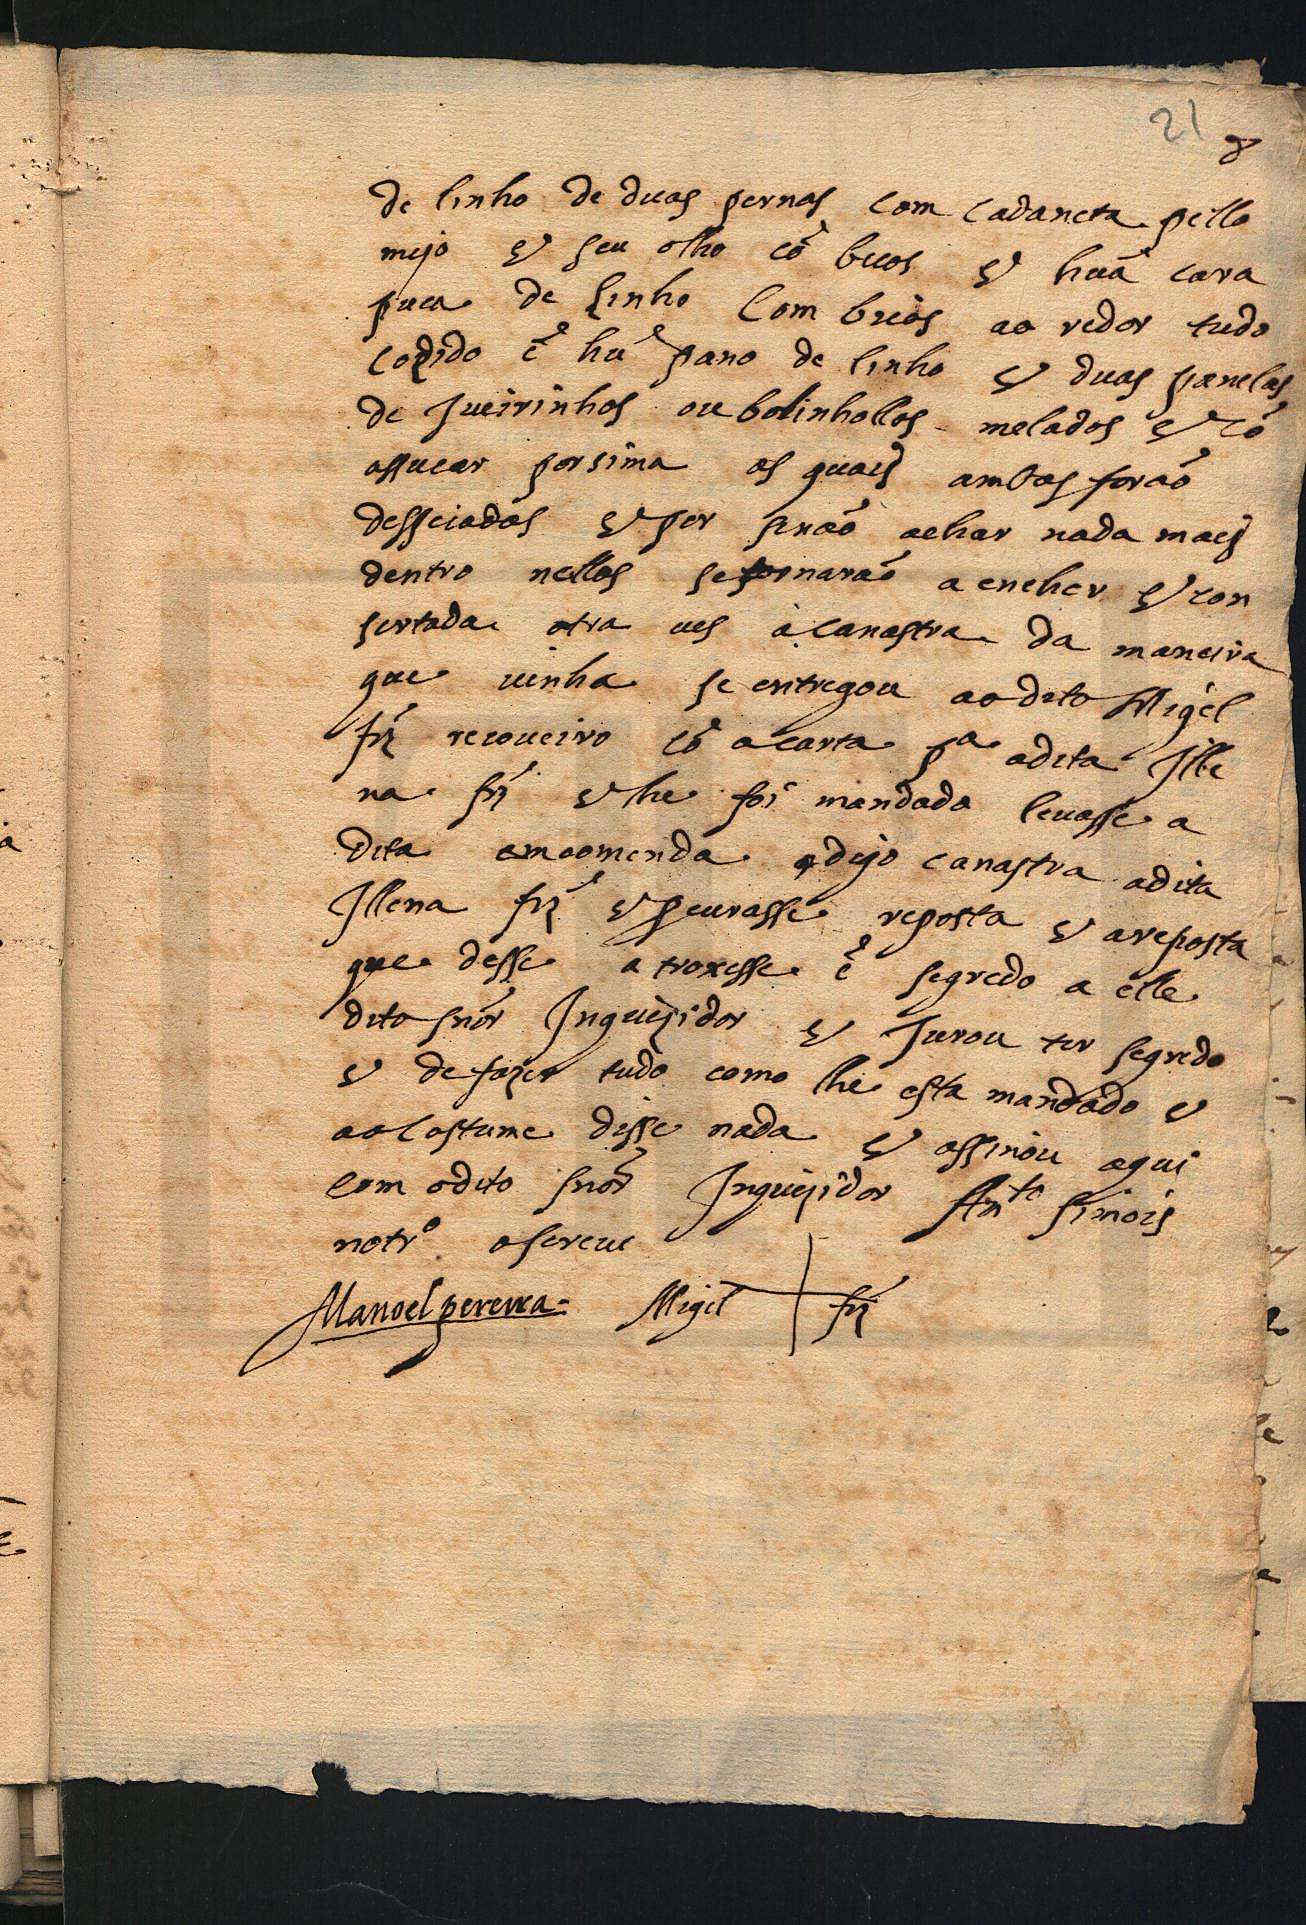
de linho de duas pernas com cadaneta pello
mejo E seu olho cō bicos E huā cara
puça de linho com bicos ao redor tudo
cozido ē hū pano de linho E duas panelas
de Jueirinhos ou bolinhollos melados E cō
assucar por sima as quais ambos forão
desseiadas E por se não achar nada maes
dentro nellas se tornarão a encher E con
sertada otra ues a canastra da maneira
que uinha se entregou ao dito Migel
frz̄ recoueiro cō a carta pa a dita Jlle
na frz̄ E lhe foi mandado leuasse a
dita emcomenda e digo canastra a dita
Jllena frz̄ E ꝓcurasse reposta E a reposta
que desse a troxesse ē segredo a elle
dito snōr Jnquezidor E Jurou ter segredo
E de fazer tudo como lhe esta mandado E
ao costume disse nada E assinou aqui
com o dito snōr Jnquisidor Anto Simois
notro o screui
Manoel pereira Migel + frz̄
